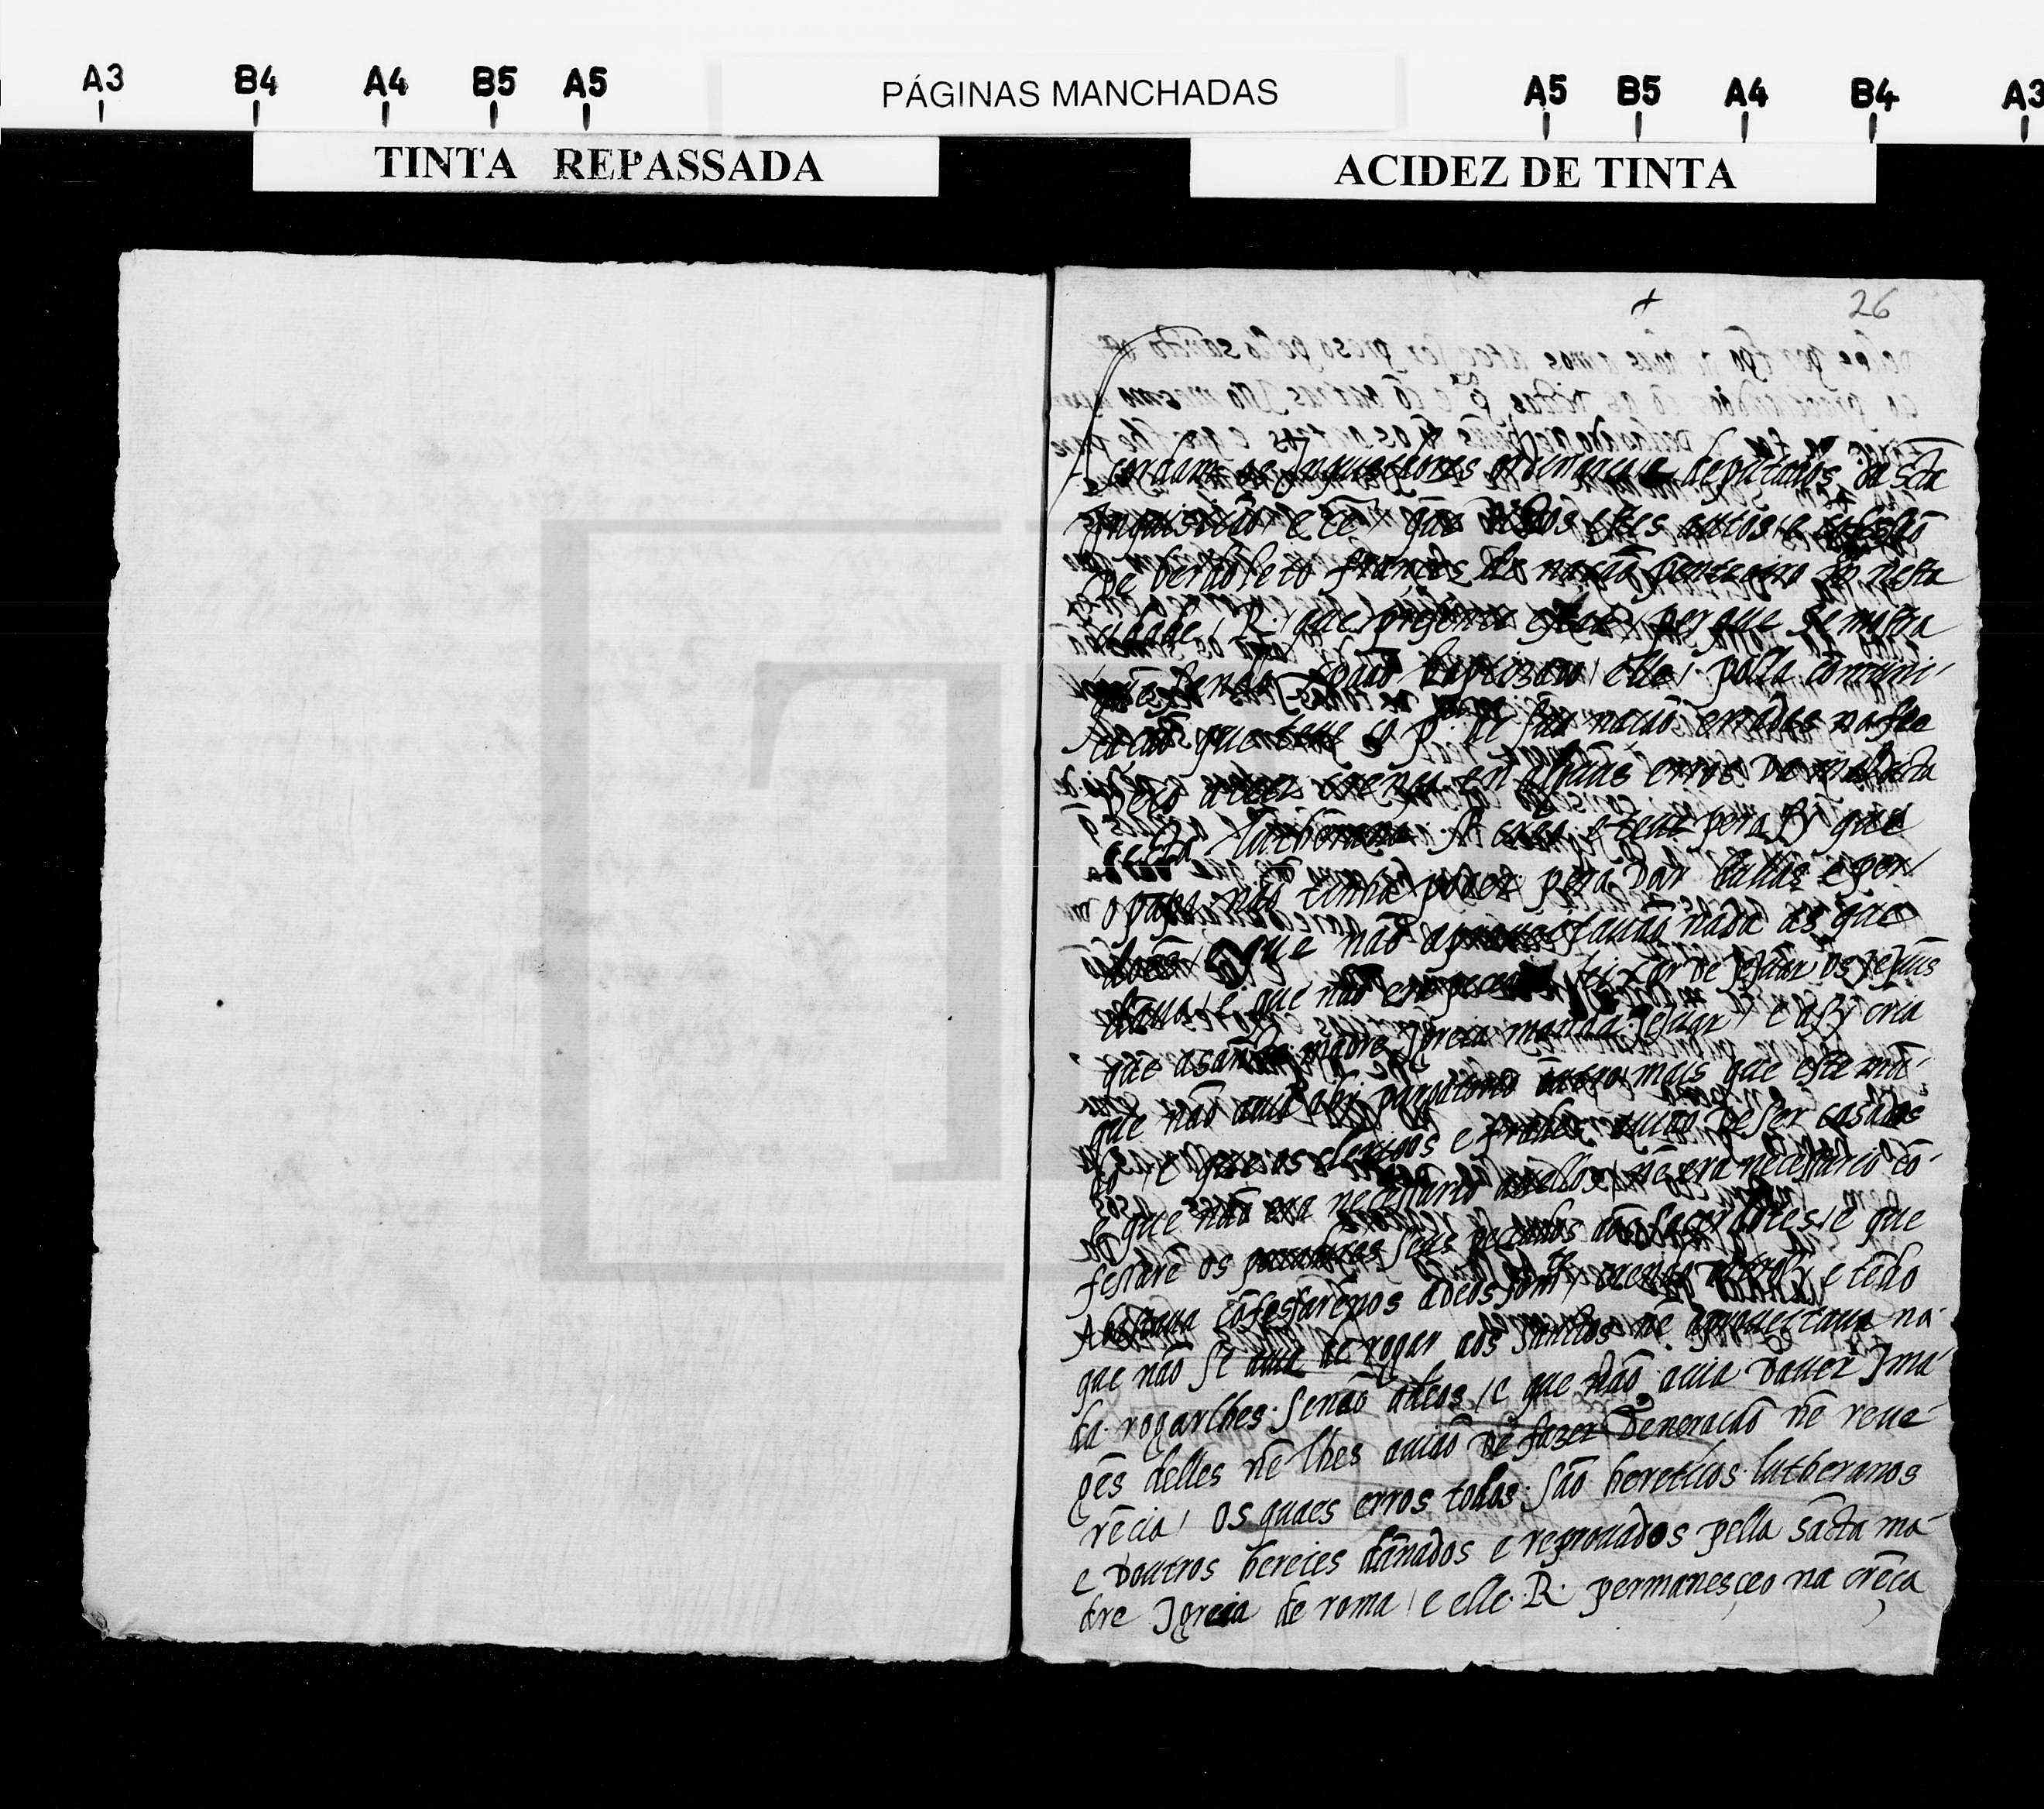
Acordam os Jnquisidores ordinarios e deputados da sct̄a
Jnquisição & cē que vistos estes autos e cōfissaõ
De berdoleto frances de naçaõ penteeiro mor nesta
cidade / R / que presente esta / per que se mostra
que sendo xpaão baptizado elle polla comuni
caçaõ que teue cō p.as de sua naçaõ erradas na fee
veio a ter crença en algūus erros da maldicta
secta lutherana _ creo e teue pera sy que
o papa naõ tinha poder pera Dar bullas e per
doẽs / e que naõ aproueitauão nada as que
daua e que naõ era pecca_ leixar De JeJuar os JeJuūs
que a sancta madre Jgreia manda JeJuar / e asy cria
que naõ auia ahy porgatorio outro mais que este mū
do e que os clerigos e frades auiaõ De ser casados
e que naõ era necessario auello e nē era necessario cō
fessarē os peccadores seus peccados aos sacerdotes / e que
A bastaua cōfessarēnos a deos somte crendo outrosy e tēdo
que não se auia de rogar aos Sanctos nē aproueitaua na
da rogarlhes senão a deos / e que não auia dauer Jma
gēs delles nē lhes auiaõ de fazer Veneraçaõ nē reue
rēcia / os quaes erros todos são hereticos lutheranos
e Doutros hereies dānados e reprouados pella sa̅cta ma
dre Jgreia de roma / e elle .R. permanesceo na crēça
